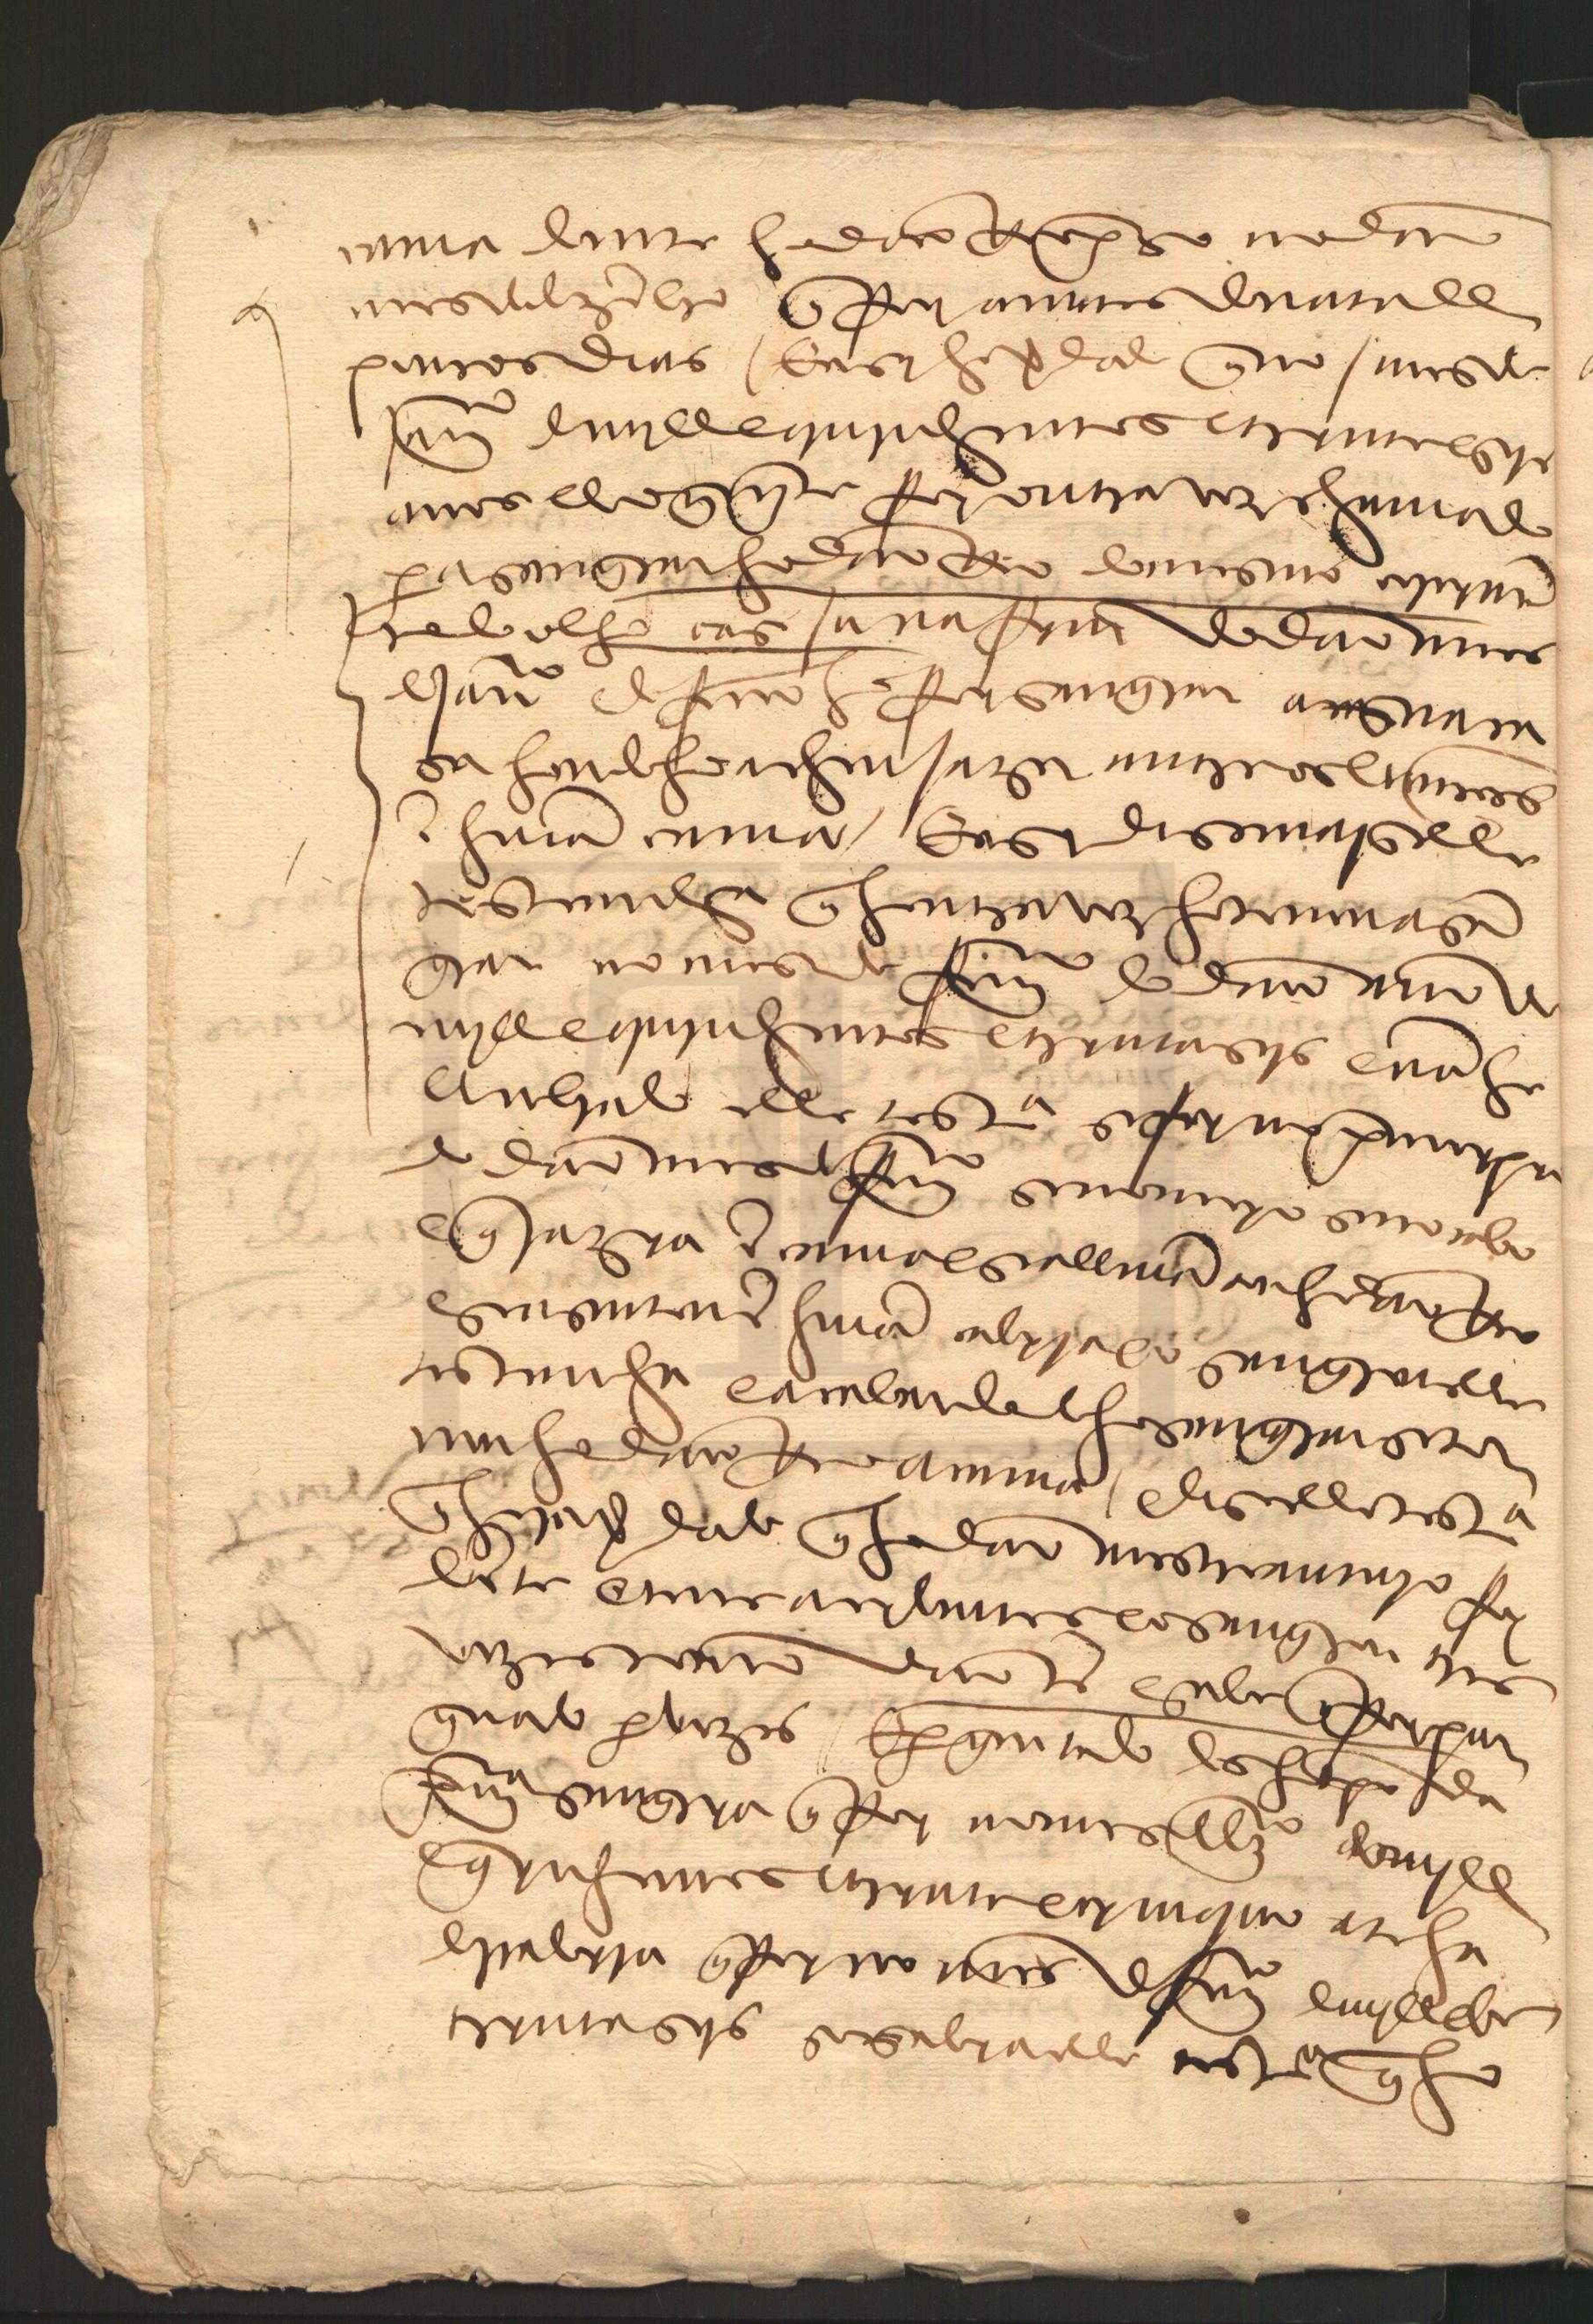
cama doente ho dito Reo p̄so no dito
mes de dezēbro q̄ foy amtes do natall
poucos dias / E asy he ꝟdade q̄ no / mes de
Jānro de mjll e qujnhentos e trynta e sejs
anos lloguj̄te foj outra vez chamado
ꝑa sangrar ho dito Reo do mesmo corrymē
to do olho case Ja na fym do dito mes
de Janro e de feito ho foy sangrar a sua ca
sa honde ho achou Jazer antre os lemçoes
ē huā cama / E asy dise majs elle
testemunha q̄ houtra vez ho tornou a sā
grar no mes de fēuro do dito an̄o de
mjll e qujnhentos e trynta sejs e nā he
llenbrado elle testa se foy no p̄incypyo
do dito mes de fēuro se no meyo se no cabo
e q̄ Jazya ē cama e se alleuātou ho dito Reo
e se asentou ē huā cadeyra e o sangrou elle
testemha e acabando de ho sangrar se tor
nou ho dito Reo a cama / e dise elle testa
q̄ hera ꝟdade q̄ ho dito meste antonjo foy
doēte ē trees acydemtes e o sangrou tres
vezes como dito tē e sabe q̄ foy pur
guado ꝑ vezes // E ꝑguntado des ho t̄po da
p̄mra sangrya q̄ foy no mes de dezro de mjll
e q̄ynhentos e trynta e cymquo ate ha
derradeyra q̄ foy no mes de feuro de mjll e bc
trynta sejs se sabya elle testa q̄ ho
